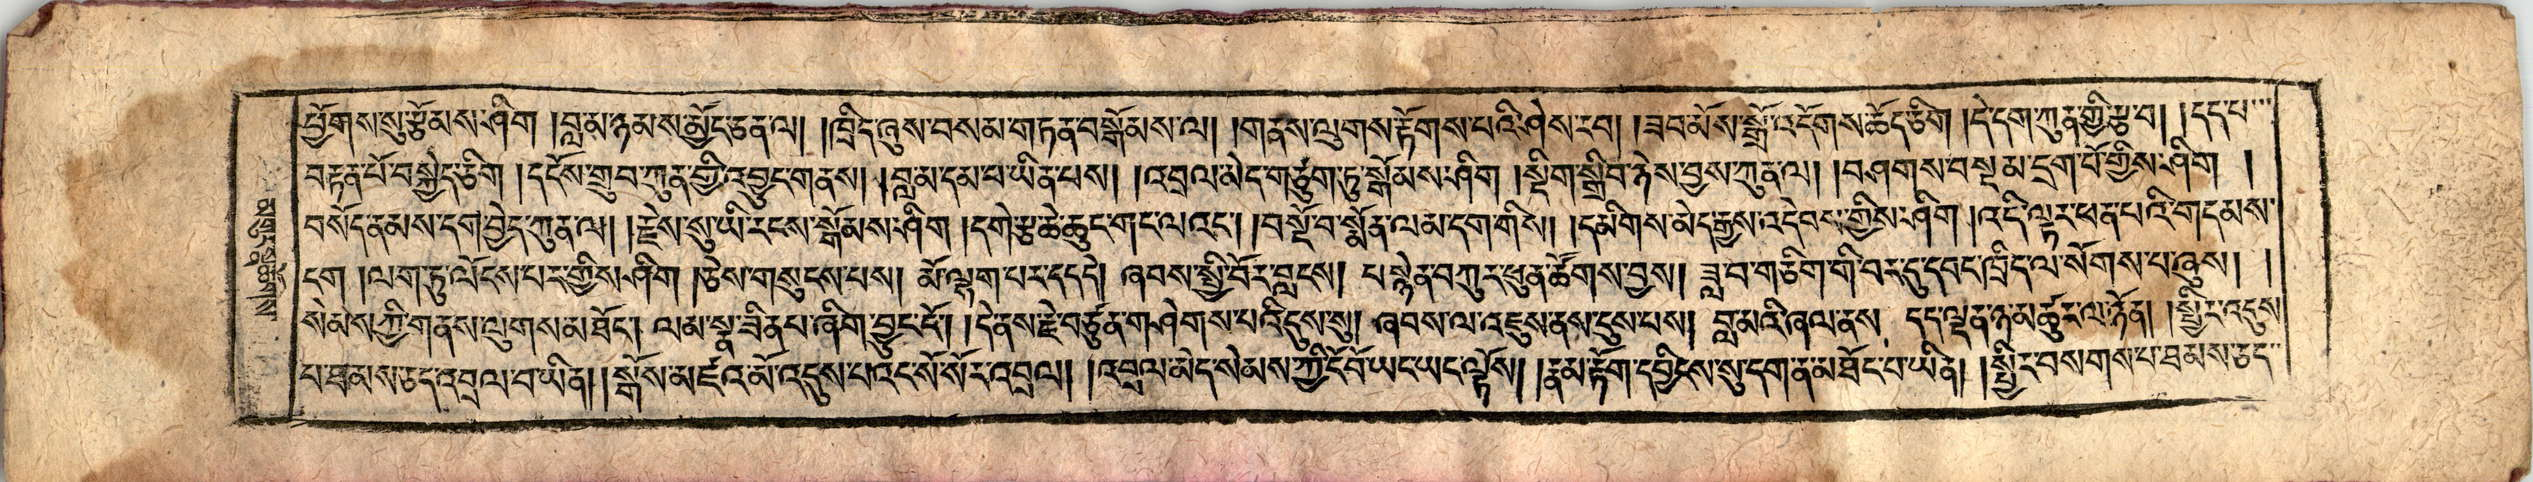ཕྱོགས་སུ་རྩོམས་ཤིག །བླ་མ་ཉམས་མྱོང་ཅན་ལ། །ཁྲིད་ཞུས་བསམ་གཏན་བསྒོམས་ལ། །གནས་ལུགས་རྟོགས་པའི་ཤེས་རབ། །ཟབ་མོས་སྒྲོ་འདོགས་ཆོད་ཅིག། །དེ་དག་ཀུན་གྱི་རྩ་བ། །དད་པ་
བརྟན་པོ་བསྐྱེད་ཅིག །དངོས་གྲུབ་ཀུན་གྱི་འབྱུང་གནས། །བླ་མ་དམ་པ་ཡིན་པས། །འབྲལ་མེད་གཙུག་ཏུ་སྒོམས་ཤིག །སྡིག་སྒྲིབ་ཉེས་བྱས་ཀུན་ལ། །བཤགས་བསྡམ་དྲག་པོ་གྱིས་ཤིག །
བསོད་ནམས་དག་བྱེད་ཀུན་ལ། །རྗེས་སུ་ཡི་རངས་སྒོམས་ཤིག །དགེ་རྩ་ཆེ་ཆུང་གང་ལའང་། །བསྔོ་བ་སྨོན་ལམ་དག་གིས། །དམིགས་མེད་རྒྱས་འདེབས་་གྱིས་ཤིག་།འདི་ལྟར་ཕན་པའི་གདམས་
ངག །ལག་ཏུ་ལོངས་པར་གྱིས་ཤིག །ཅེས་གསུངས་པས། མོ་ལྷག་པར་དད་དེ། ཞབས་སྤྱི་བོར་བླངས། པསྙེན་བཀུར་ཕུན་ཚོགས་བྱས། ཟླ་བ་གཅིག་གི་བར་དུ་དབང་ཁྲིད་ལ་སོགས་པ་ཞུས། 
སེམས་ཀྱི་གནས་ལུགས་མཐོང་། ལམ་སྣ་ཟིན་པ་ཞིག་བྱུང་ངོ་། །དེ་ནས་རྗེ་བཙུན་གཤེགས་པའི་དུས་སུ། ཞབས་ལ་འཇུས་ནས་ངུས་པས། བླ་མའི་ཞལ་ནས དད་ལྡན་ཉ་མ་ཚུར་ལ་ཉོན། །སྤྱིར་འདུས་
པ་ཐམས་ཅད་འབྲལ་བ་ཡིན།། སྒོས་མཛའ་མོ་འདུས་པའང་སོ་སོར་འབྲལ། །འབྲལ་མེད་སེམས་ཀྱི་ངོ་བོ་ཡང་ཡང་ལྟོས། །རྣམ་རྟོག་དབྱིངས་སུ་དག་ན་མཐོང་བ་ཡིན། །སྤྱིར་བསགས་པ་ཐམས་ཅད་